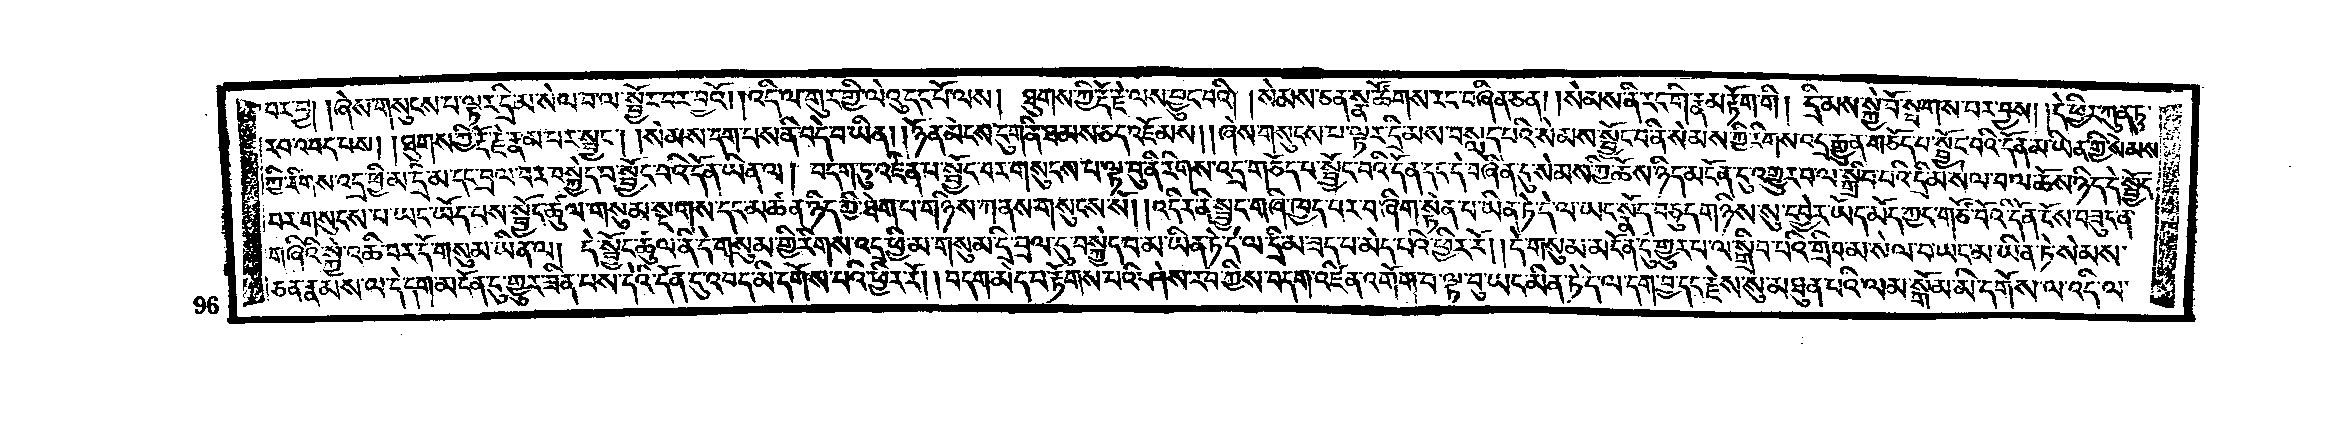བར་བྱ། །ཞེས་གསུངས་པ་ལྟར་དྲི་མ་སེལ་བ་ལ་སྦྱོར་བར་བྱའོ། །འདི་ལ་གུར་གྱི་ལེའུ་དང་པོ་ལས། ཐུགས་ཀྱི་རྡོ་རྗེ་ལས་བྱུང་བའི། །སེམས་ཅན་སྣ་ཚོགས་རང་བཞིན་ཅན། །སེམས་ནི་རང་གི་རྣམ་རྟོག་གི །དྲི་མས་སྐྱེ་བོ་སྦགས་པར་བྱས། །དེ་ཕྱིར་ཀུན་ཏུ་
རབ་འབད་པས། །ཐུགས་ཀྱི་རྡོ་རྗེ་རྣམ་པར་སྦྱང་། །སེམས་དག་པས་ནི་བདེ་བ་ཡིན། །ཉོན་མོངས་དུག་ནི་ཐམས་ཅད་འཇོམས། །ཞེས་གསུངས་པ་ལྟར་དྲི་མས་བསླད་པའི་སེམས་སྦྱོང་བ་ནི་སེམས་ཀྱི་རིགས་འདྲ་རྒྱུན་གཅོད་པ་སྦྱོང་བའི་དོན་མ་ཡིན་གྱི་སེམས་
ཀྱི་རིགས་འདྲ་ཕྱི་མ་དྲི་མ་དང་བྲལ་བར་བསྐྱེད་པ་སྦྱོང་བའི་དོན་ཡིན་ལ། བདག་ཏུ་འཛིན་པ་སྦྱོང་བར་གསུངས་པ་ལྟ་བུ་ནི་རིགས་འདྲ་གཅོད་པ་སྦྱོང་བའི་དོན་དང་དེ་བཞིན་དུ་སེམས་ཀྱི་ཆོས་ཉིད་མངོན་དུ་འགྱུར་བ་ལ་སྒྲིབ་པའི་དྲི་མ་སེལ་བ་ལ་ཆོས་ཉིད་དེ་སྦྱོང་
བར་གསུངས་པ་ཡང་ཡོད་པས་སྦྱོང་ཚུལ་གསུམ་སྔགས་དང་མཚན་ཉིད་ཀྱི་ཐེག་པ་གཉིས་ཀ་ནས་གསུངས་སོ། །འདིར་ནི་སྦྱང་གཞི་ཁྱད་པར་བ་ཞིག་སྟོན་པ་ཡིན་ཏེ་དེ་ལ་ཡང་སྣོད་བཅུད་གཉིས་སུ་དབྱེར་ཡོད་མོད་ཀྱང་གཙོ་བོའི་དོན་ངོས་བཟུར་ན་
གཞིའི་སྐྱེ་འཆི་བར་དོ་གསུམ་ཡིན་ལ། དེ་སྦྱོང་ཚུལ་ནི་དེ་གསུམ་གྱི་རིགས་འདྲ་ཕྱི་མ་གསུམ་དྲི་བྲལ་དུ་བསྐྱེད་པ་མ་ཡིན་ཏེ་དེ་ལ་དྲི་མ་ཟད་པ་མེད་པའི་ཕྱིར་རོ། །དེ་གསུམ་མངོན་དུ་གྱུར་པ་ལ་སྒྲིབ་པའི་གྲིབ་མ་སེལ་བ་ཡང་མ་ཡིན་ཏེ་སེམས་
ཅན་རྣམས་ལ་དེ་དག་མངོན་དུ་གྱུར་ཟིན་པས་དེའི་དོན་དུ་འབད་མི་དགོས་པའི་ཕྱིར་རོ། །བདག་མེད་པ་རྟོགས་པའི་ཤེས་རབ་ཀྱིས་བདག་འཛིན་འགོག་པ་ལྟ་བུ་ཡང་མིན་ཏེ་དེ་ལ་དག་བྱ་དང་རྗེས་སུ་མཐུན་པའི་ལམ་སྒོམ་མི་དགོས་ལ་འདི་ལ་